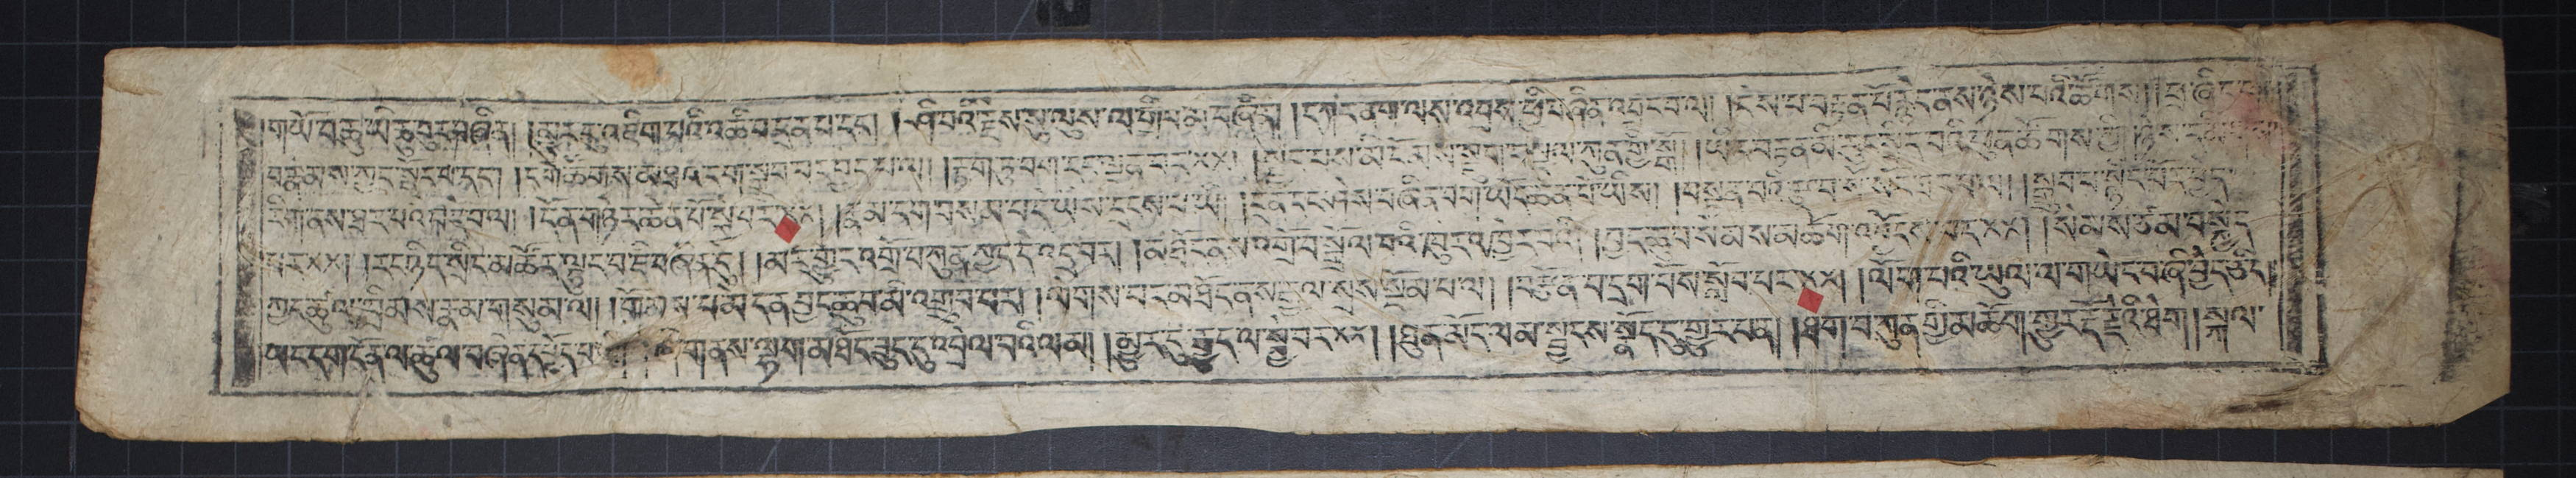གཡོ་བ་ཆུ་ཡི་ཆུ་བུར་བཞིན། །མྱུར་དུ་འཇིག་པའི་འཆི་བ་དྲན་པ་དང་། །ཤི་བའི་རྗེས་སུ་ལུས་ལ་གྲིབ་མ་བཞིན། །དཀར་ནག་ལས་འབྲས་ཕྱི་བཞིན་འབྲང་བ་ལ། །ངེས་པ་བརྟན་པོ་རྙེད་ནས་ཉེས་པའི་ཚོགས། །ཕྲ་ཞིང་ཕྲ་
བ་རྣམས་ཀྱང་སྤོང་བ་དང་། །དགེ་ཚོགས་མཐའ་དག་སྒྲུབ་པར་བྱེད་པ་ལ། །རྟག་ཏུ་བག་དང་ལྡན་པར་྾་྾། །སྤྱད་པས་མི་ངོམས་སྡུག་བསྔལ་ཀུན་གྱི་སྒོ། །ཡིད་བརྟན་མི་རུང་སྲིད་པའི་ཕུན་ཚོགས་ཀྱི། །ཉེས་དམིགས་
རིག་ནས་ཐར་པའི་བདེ་བ་ལ། །དོན་གཉེར་ཆེན་པོ་སྐྱེ་བར་྾་྾། །རྣམ་དག་བསམ་པ་དེ་ཡིས་དྲངས་པ་ཡི། །དྲན་དང་ཤེས་བཞིན་བག་ཡོད་ཆེན་པོ་ཡིས། །བསྟན་པའི་རྩ་བ་སོ་སོར་ཐར་པ་ལ། །སྒྲུབ་པ་སྙིང་པོར་བྱེད་
པར་྾་྾། །རང་ཉིད་སྲིད་མཚོར་ལྷུང་བ་ཇི་བཞིན་དུ། །མར་གྱུར་འགྲོ་བ་ཀུན་ཀྱང་དེ་འདྲ་བར། །མཐོང་ནས་འགྲོ་བ་སྒྲོལ་བའི་ཁུར་འཁྱེར་བའི། །བྱང་ཆུབ་སེམས་མཆོག་འབྱོངས་པར་྾་྾། །སེམས་ཙམ་བསྐྱེད་
ཀྱང་ཚུལ་ཁྲིམས་རྣམ་གསུམ་ལ། །གོམས་པ་མེད་ན་བྱང་ཆུབ་མི་འགྲུབ་པར། །ལེགས་པར་མཐོང་ནས་རྒྱལ་སྲས་སྡོམ་པ་ལ། །བརྩོན་པ་དྲག་པོས་སློབ་པར་྾་྾། །ལོག་པའི་ཡུལ་ལ་གཡེང་བ་ཞི་བྱེད་ཅིང་
ཡང་དག་དོན་ལ་ཚུལ་བཞིན་དཔྱོད་པ་ཡི། །ཞི་གནས་ལྷག་མཐོང་ཟུང་དུ་འབྲེལ་བའི་ལམ། །མྱུར་དུ་རྒྱུད་ལ་སྐྱེ་བར་྾་྾། །ཐུན་མོང་ལམ་སྦྱངས་སྣོད་དུ་གྱུར་པ་ན། །ཐེག་པ་ཀུན་གྱི་མཆོག་གྱུར་རྡོ་རྗེའི་ཐེག །སྐལ་